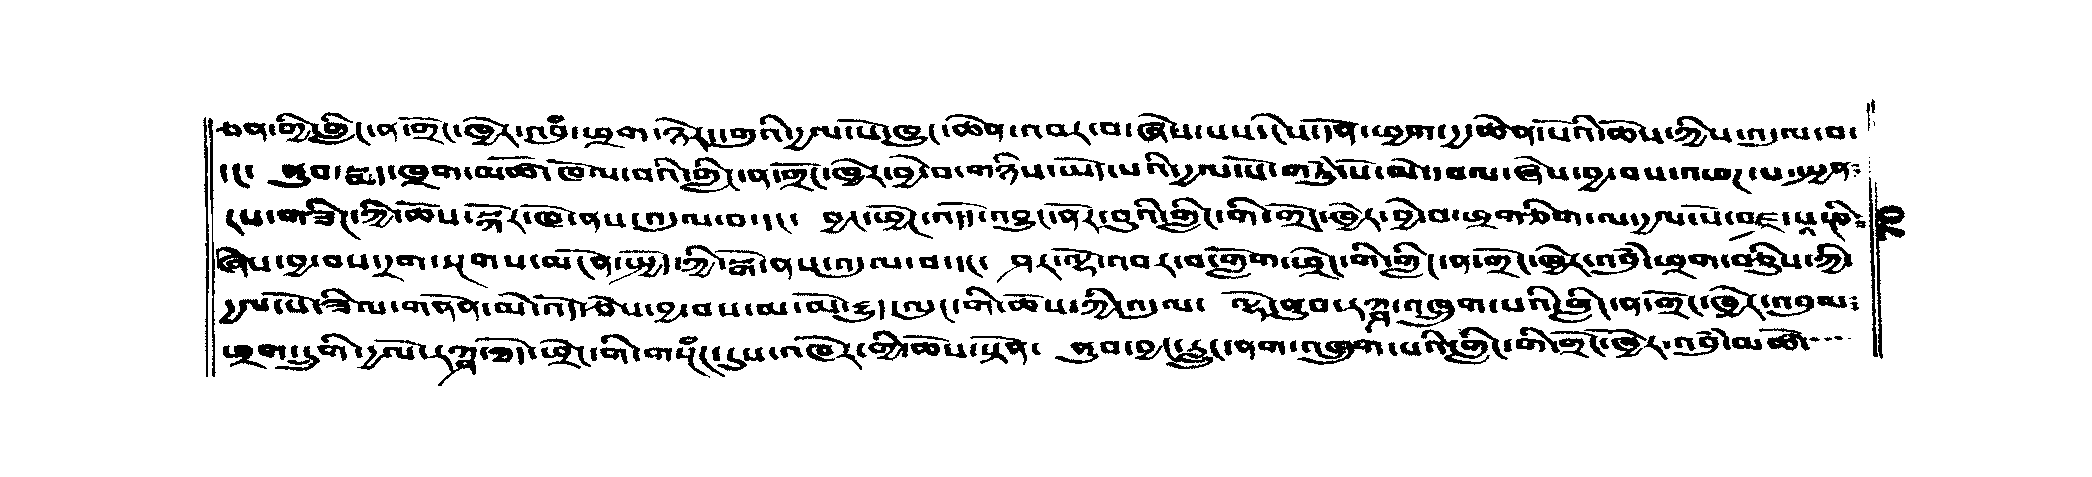ཅན་གྱི་གླིང་ན་གྲོང་ཁྱེར་འབུམ་ཕྲག་ཉེར་དགུའི་རྒྱལ་པོ་ཁྱུང་ཆེན་འབར་བ་ཞེས་པས་ངེས་དོན་ཕྱག་རྒྱ་ཆེན་པོའི་ཆོས་ཀྱིས་འདུལ་བ་
དང་། ནུབ་སྨད་ཁྲག་མཚོ་ཁོལ་བའི་གླིང་ན་གྲོང་ཁྱེར་བྱེ་བ་གཉིས་ཡོད་པའི་རྒྱལ་པོ་གཏུམ་པོ་མེ་དབལ་ཞེས་བྱ་བས་འཕགས་པ་སྤྱན་
རས་གཟིགས་ཀྱི་ཆོས་སྐོར་ཁོ་ནས་འདུལ་བ་དང་། བྱང་ཕྱོགས་འདོད་འབྱུང་ནོར་བུའི་གླིང་གི་གྲོང་ཁྱེར་བྱེ་བ་ཕྲག་གཅིག་ལ་རྒྱལ་པོ་བཛྲ་པཱ་ཎི་
ཞེས་བྱ་བས་དྲག་སྔགས་མངོན་སྤྱོད་ཀྱི་སྒོ་ནས་འདུལ་བ་དང་། ཤར་ལྷོ་འབར་བ་གློག་ཕྲེང་གི་གླིང་ན་གྲོང་ཁྱེར་འབུམ་ཕྲག་བཅུ་གཉིས་ཀྱི་
རྒྱལ་པོ་ཟིལ་གནོན་མེ་འོད་ཅེས་བྱ་བས་མ་མོ་རྒྱད་ལུང་གི་ཆོས་ཀྱི་འདུལ། ལྷོ་ནུབ་རཀྴ་འཁྲུག་པའི་གླིང་ན་གྲོང་ཁྱེར་འབུམ་
ཕྲག་དྲུག་གི་རྒྱལ་པོ་རཀྴ་ཐོད་ཕྲེང་གི་གསང་སྔགས་དུས་འཁོར་གྱི་ཆོས་སྟོན།ནུབ་བྱང་རླུང་ནག་འཁྲུག་པའི་གླིང་གི་གྲོང་ཁྱེར་འབུམ་མཚོ་